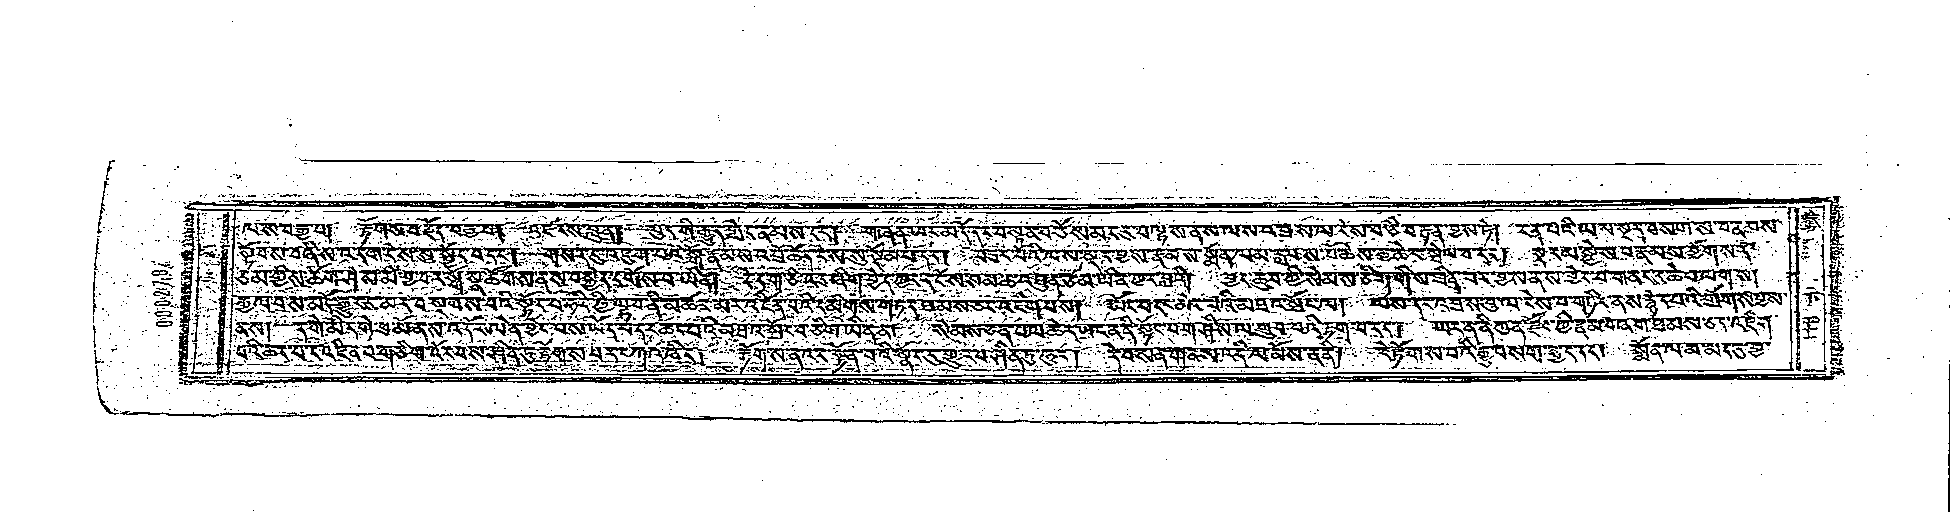ལས་བརྒྱ་པ། རྟོགས་བརྗོད་བརྒྱ་བ། འཛངས་བླུན། ལུང་གི་རྒྱུ་གླེང་རྣམས་དང་། གཞན་ཡང་མདོ་དང་བསྟན་བཅོས་མང་དུ་བལྟས་ནས་ལས་འབྲས་ལ་ངེས་བ་ཅི་བརྟན་བྱས་ཏེ། ངན་པའི་ལས་སྔར་བསགས་པ་རྣམས་
སྟོབས་བཞིས་འདག་ངེས་སུ་སྦྱོང་བ་དང་། གསར་དུ་འཇུག་པའི་སྒོ་རྣམས་འབྲོ་ཆོད་ངེས་སུ་སྔོམ་པ་དང་། བཟང་པོའི་ལས་སྔར་བྱས་རྣམས་སྨོན་ལམ་རླབས་པོ་ཆེས་རྒྱ་ཆེར་སྦེལ་བ་དང་། སྔར་མ་སྐྱེས་བ་རྣམས་བྱོགས་རེ་
ཙམ་གྱིས་ཆོག་ཤེས་མི་བྱ་བར་སྒོ་སྣ་ཚོགས་ནས་བསྐྱེད་དགོས་པ་ཡིན། དེ་དག་ཅི་འདྲ་ཞིག་བྱེད་ཀྱང་དངོས་སམ་ཆ་འཐུན་ཙམ་ཡིན་ཀྱང་བླའི། བྱང་ཆུབ་ཀྱི་སེམས་ཅིག་གིས་བྲིན་པར་བྱས་ནས་བྱེད་བ་གནང་དུ་ཆེ་བ་ལགས།
རྒྱལ་བས་མདོ་རྒྱུད་དུ་མར་བསྔགས་པའི་སྟོང་པ་ཉིད་ཀྱི་ལྟ་བ་ནི་མཚན་མར་འཛིན་པའི་དམིགས་གཏད་ཐམས་ཅད་འཇིག་པས། ཡོང་བ་དང་མེད་པའི་མཐའ་སྤོང་ལ། ལས་དང་འབྲས་བུ་ལ་ངེས་པ་གཏིང་ནས་རྙེད་པའི་གྲོགས་བྱས་
ནས། དགེ་མི་དགེ་ཕྲ་མོ་ནས་འདོར་ལེན་བྱེད་པས་ཡོད་པ་དང་ཆང་པའི་མཐའ་སྦོང་བ་ཅིག་ཡིན་ན། སེམས་ཅན་ཕལ་ཆེར་ཡང་ན་ནི་སྟོང་པ་གཤིས་ལ་གྲུབ་པའི་རྟག་པ་དང་། ཡང་ན་ནི་ཀུན་རྫོགས་ཀྱི་རྣམ་བཞག་ཐམས་ཅད་འཇིག་
བའི་ཚང་བར་འཛིན་པ་གཅིག་འོང་བས་ཤིན་ཏུ་རྟོགས་པར་དཀའ་ཞིང་། རྟོགས་ནའང་སྟོན་པའི་སྣོད་དུ་གྱུར་བ་ཤིན་ཏུ་ཉུང་། དེ་བས་ན་གནས་འདི་ལ་མོས་ན་ནི། དེ་རྟོགས་པའི་རྒྱུ་བསག་སྦྱང་དང་། སྨོན་ལམ་མང་དུ་བྱ་